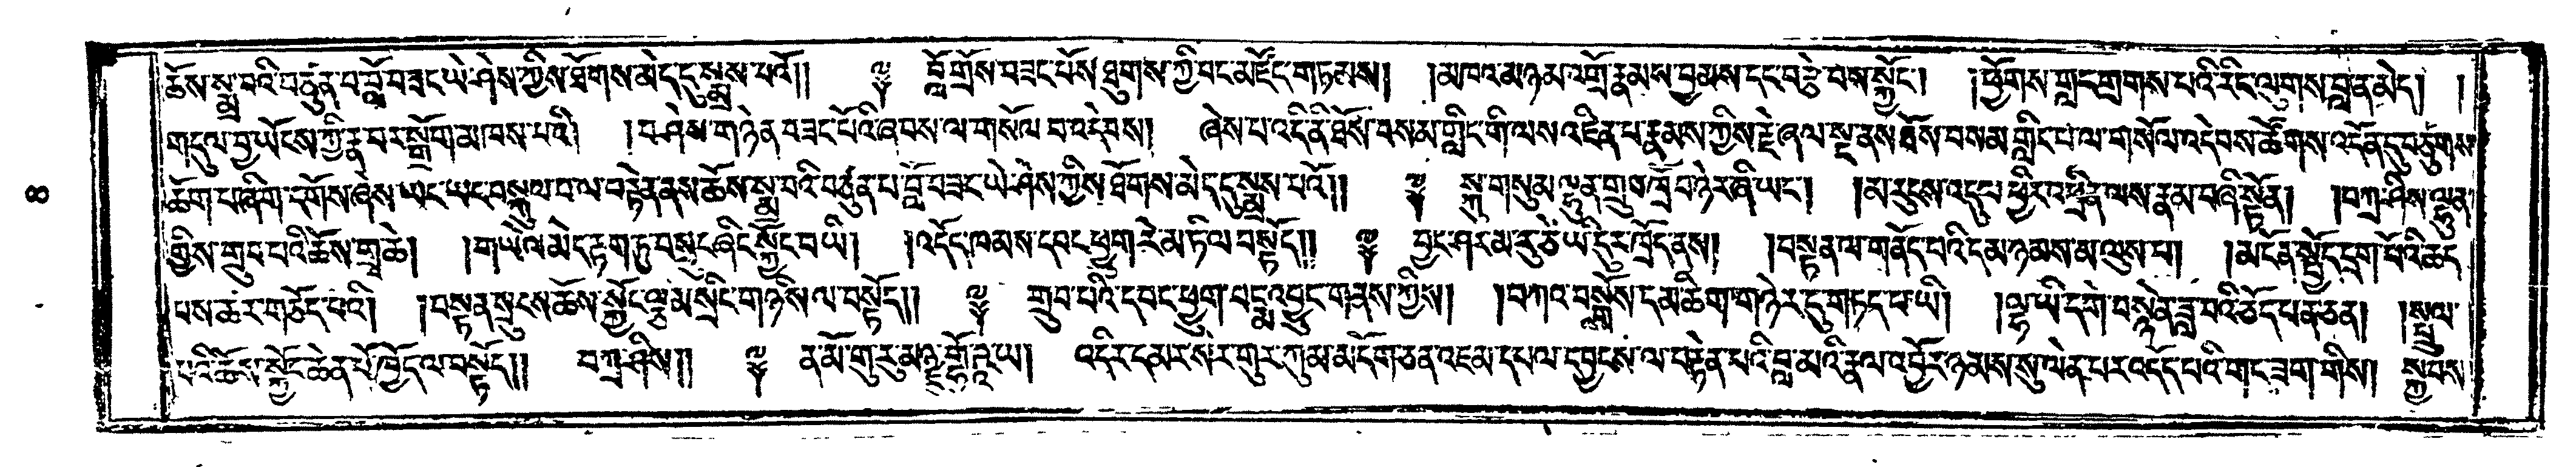ཆོས་སྨྲ་བའི་བཙུན་པ་བློ་བཟང་ཡེ་ཤེས་ཀྱི་ས་ཐོགས་མེད་དུ་སྨྲས་པའོ།། ༈ བློ་གྲོས་བཟང་པོས་ཐུགས་ཀྱི་བང་མཛོད་གཏམས། །མཁའ་མཉམ་འགྲོ་རྣམས་བྱམས་དང་བརྩེ་བས་སྐྱོང་། །ཕྱོགས་གླང་གྲགས་པའི་རིང་ལུགས་བླ་ན་མེད། །
གདུལ་བྱ་ཡོངས་ཀྱི་རྣ་བར་སྒྲོག་མཁས་པའི། །བཤེས་གཉེན་བཟང་པོའི་ཞབས་ལ་གསོལ་བ་འདེབས། ཞེས་པ་འདི་ནི་ཐོས་བསམ་གླིང་གི་ལས་འཛིན་པ་རྣམས་ཀྱིས་རྗེ་ཞལ་སྔ་ན་ཐོས་བསམ་གླིང་པ་ལ་གསོལ་འདེབས་ཚོགས་འདོན་དུ་བཙུགས་
ཆོག་པ་ཞིག་དགོས་ཞེས་ཡང་ཡང་བསྐུལ་བ་ལ་བརྟེན་ནས་ཆོས་སྨྲ་བའི་བཙུན་པ་བློ་བཟང་ཡེ་ཤེས་ཀྱིས་ཐོགས་མེད་དུ་སྨྲས་པའོ།། ༈ སྐུ་གསུམ་ལྷུན་གྲུབ་ཁྲོ་བ་ཉེར་ཞི་ཡང་། །མ་རུངས་འདུལ་ཕྱིར་འཕྲིན་ལས་རྣམ་བཞི་སྟོན། །བཀྲ་ཤིས་ལྷུན་
གྱིས་གྲུབ་པའི་ཆོས་གྲྭ་ཆེ། །གཡེལ་མེད་རྟག་ཏུ་བསྲུང་ཞིང་སྐྱོང་བ་ཡི། །འདོད་ཁམས་དབང་ཕྱུག་རེ་མ་ཏི་ལ་བསྟོད།། ༈ བྱང་ཤར་མ་རུ་ཙེ་ཡི་དུར་ཁྲོད་ནས། །བསྟན་ལ་གནོད་པའི་དམ་ཉམས་མ་ལུས་པ། །མངོན་སྤྱོད་དྲག་པོའི་ཆད་
པས་ཚར་གཅོད་པའི། །བསྟན་སྲུངས་ཆོས་སྐྱོང་ལྕམ་སྲིང་གཉིས་ལ་བསྟོད།། ༈ གྲུབ་པའི་དབང་ཕྱུག་པདམ་འབྱུང་གནས་ཀྱིས། །བཀའ་བསྒོས་དམ་ཚིག་གཉེར་དུ་གཏད་པ་ཡི། །ལྷ་ཡི་དགེ་བསྙེན་ཟླ་བའི་ཅོད་པན་ཅན། །སྤྲུལ་
པའི་ཆོས་སྐྱོང་ཆེན་པོ་ཁྱོད་ལ་བསྟོད།། བཀྲ་ཤིས།། ༈ ན་མོ་གུ་རུ་མཉྫུ་གྷོ་ཥཱ་ཡ། འདིར་དམར་སེར་གུར་ཀུམ་མདོག་ཅན་འཇམ་དཔལ་དབྱངས་ལ་བརྟེན་པའི་བླ་མའི་རྣལ་འབྱོར་ཉམས་སུ་ལེན་པར་འདོད་པའི་གང་ཟག་གིས། སྐྱབས་